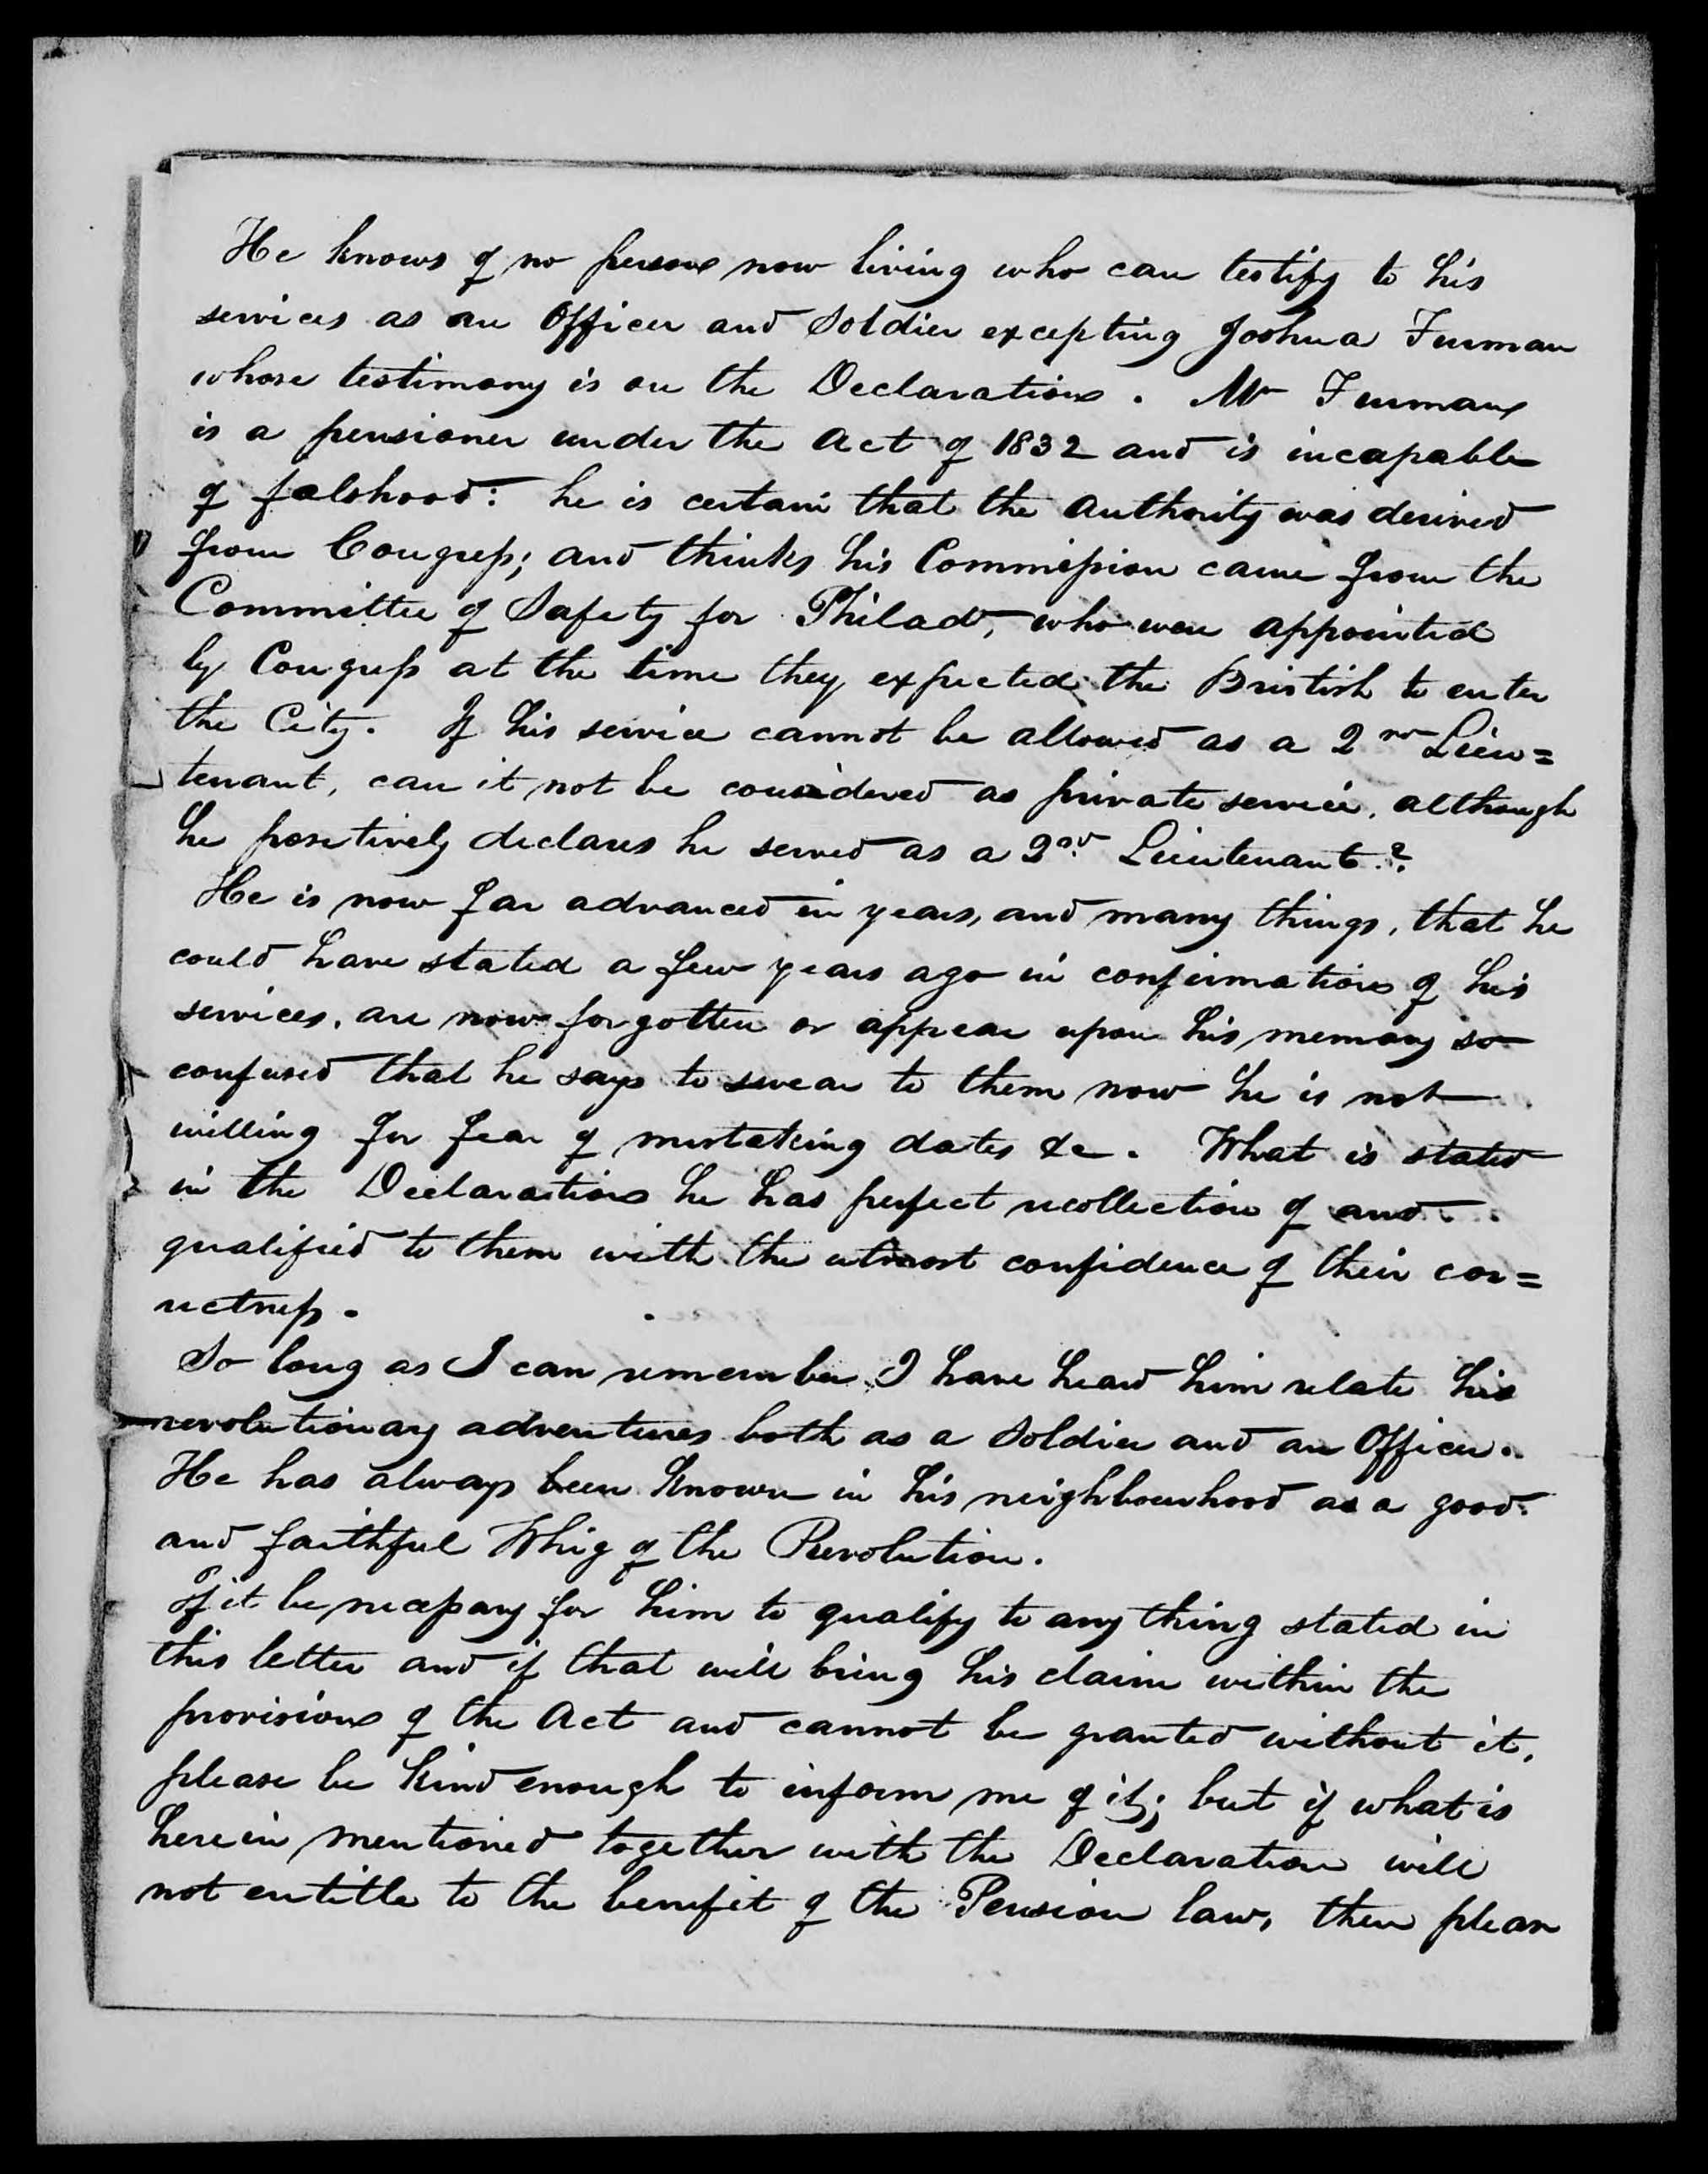He knows of no person now living who can testify to his services as an Officer and Soldier excepting Joshua Furman whose testimony is on the Declaration. Mr Furman is a pensioner under the act of 1832 and is incapable
of falshood: he is certain that the authority was derived from Congress; and thinks his Commission came from the Committee of safety for Philad. who were appointed by Congress at the time they expected the British to enter
the City. If his service cannot be allowed as a 2nd Lieutenant, can it not be considered as private service, although he positively declares he served as a 2nd. Lieutenant.

He is now far advanced in years, and many things, that he could have stated a few years ago in confirmation of his services, are now forgotten or appear upon his memory so
confused that he says to swear to them now he is not willing for fear of mistaking dates &c. What is stated in the Declaration he has perfect recollection of and qualified to them with the utmost confidence of their correctness.

So long as I can remember, I have heard him relate his revolutionary adventures both as a Soldier and an Officer.
He has always been known in his neighbourhood as a good and faithful Whig of the Revolution.
If it be necessary for him to qualify to any thing stated in this letter and if that will bring his claim within the provisions of the Act and cannot be granted without it, please be kind enough to inform me of it; but if what is
herein mentioned together with the Declaration will not entitle to the benefit of the Pension law, then please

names: Joshua Furman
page: 4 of 39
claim: rejected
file: R. 6154, for James Laning, New Jersey